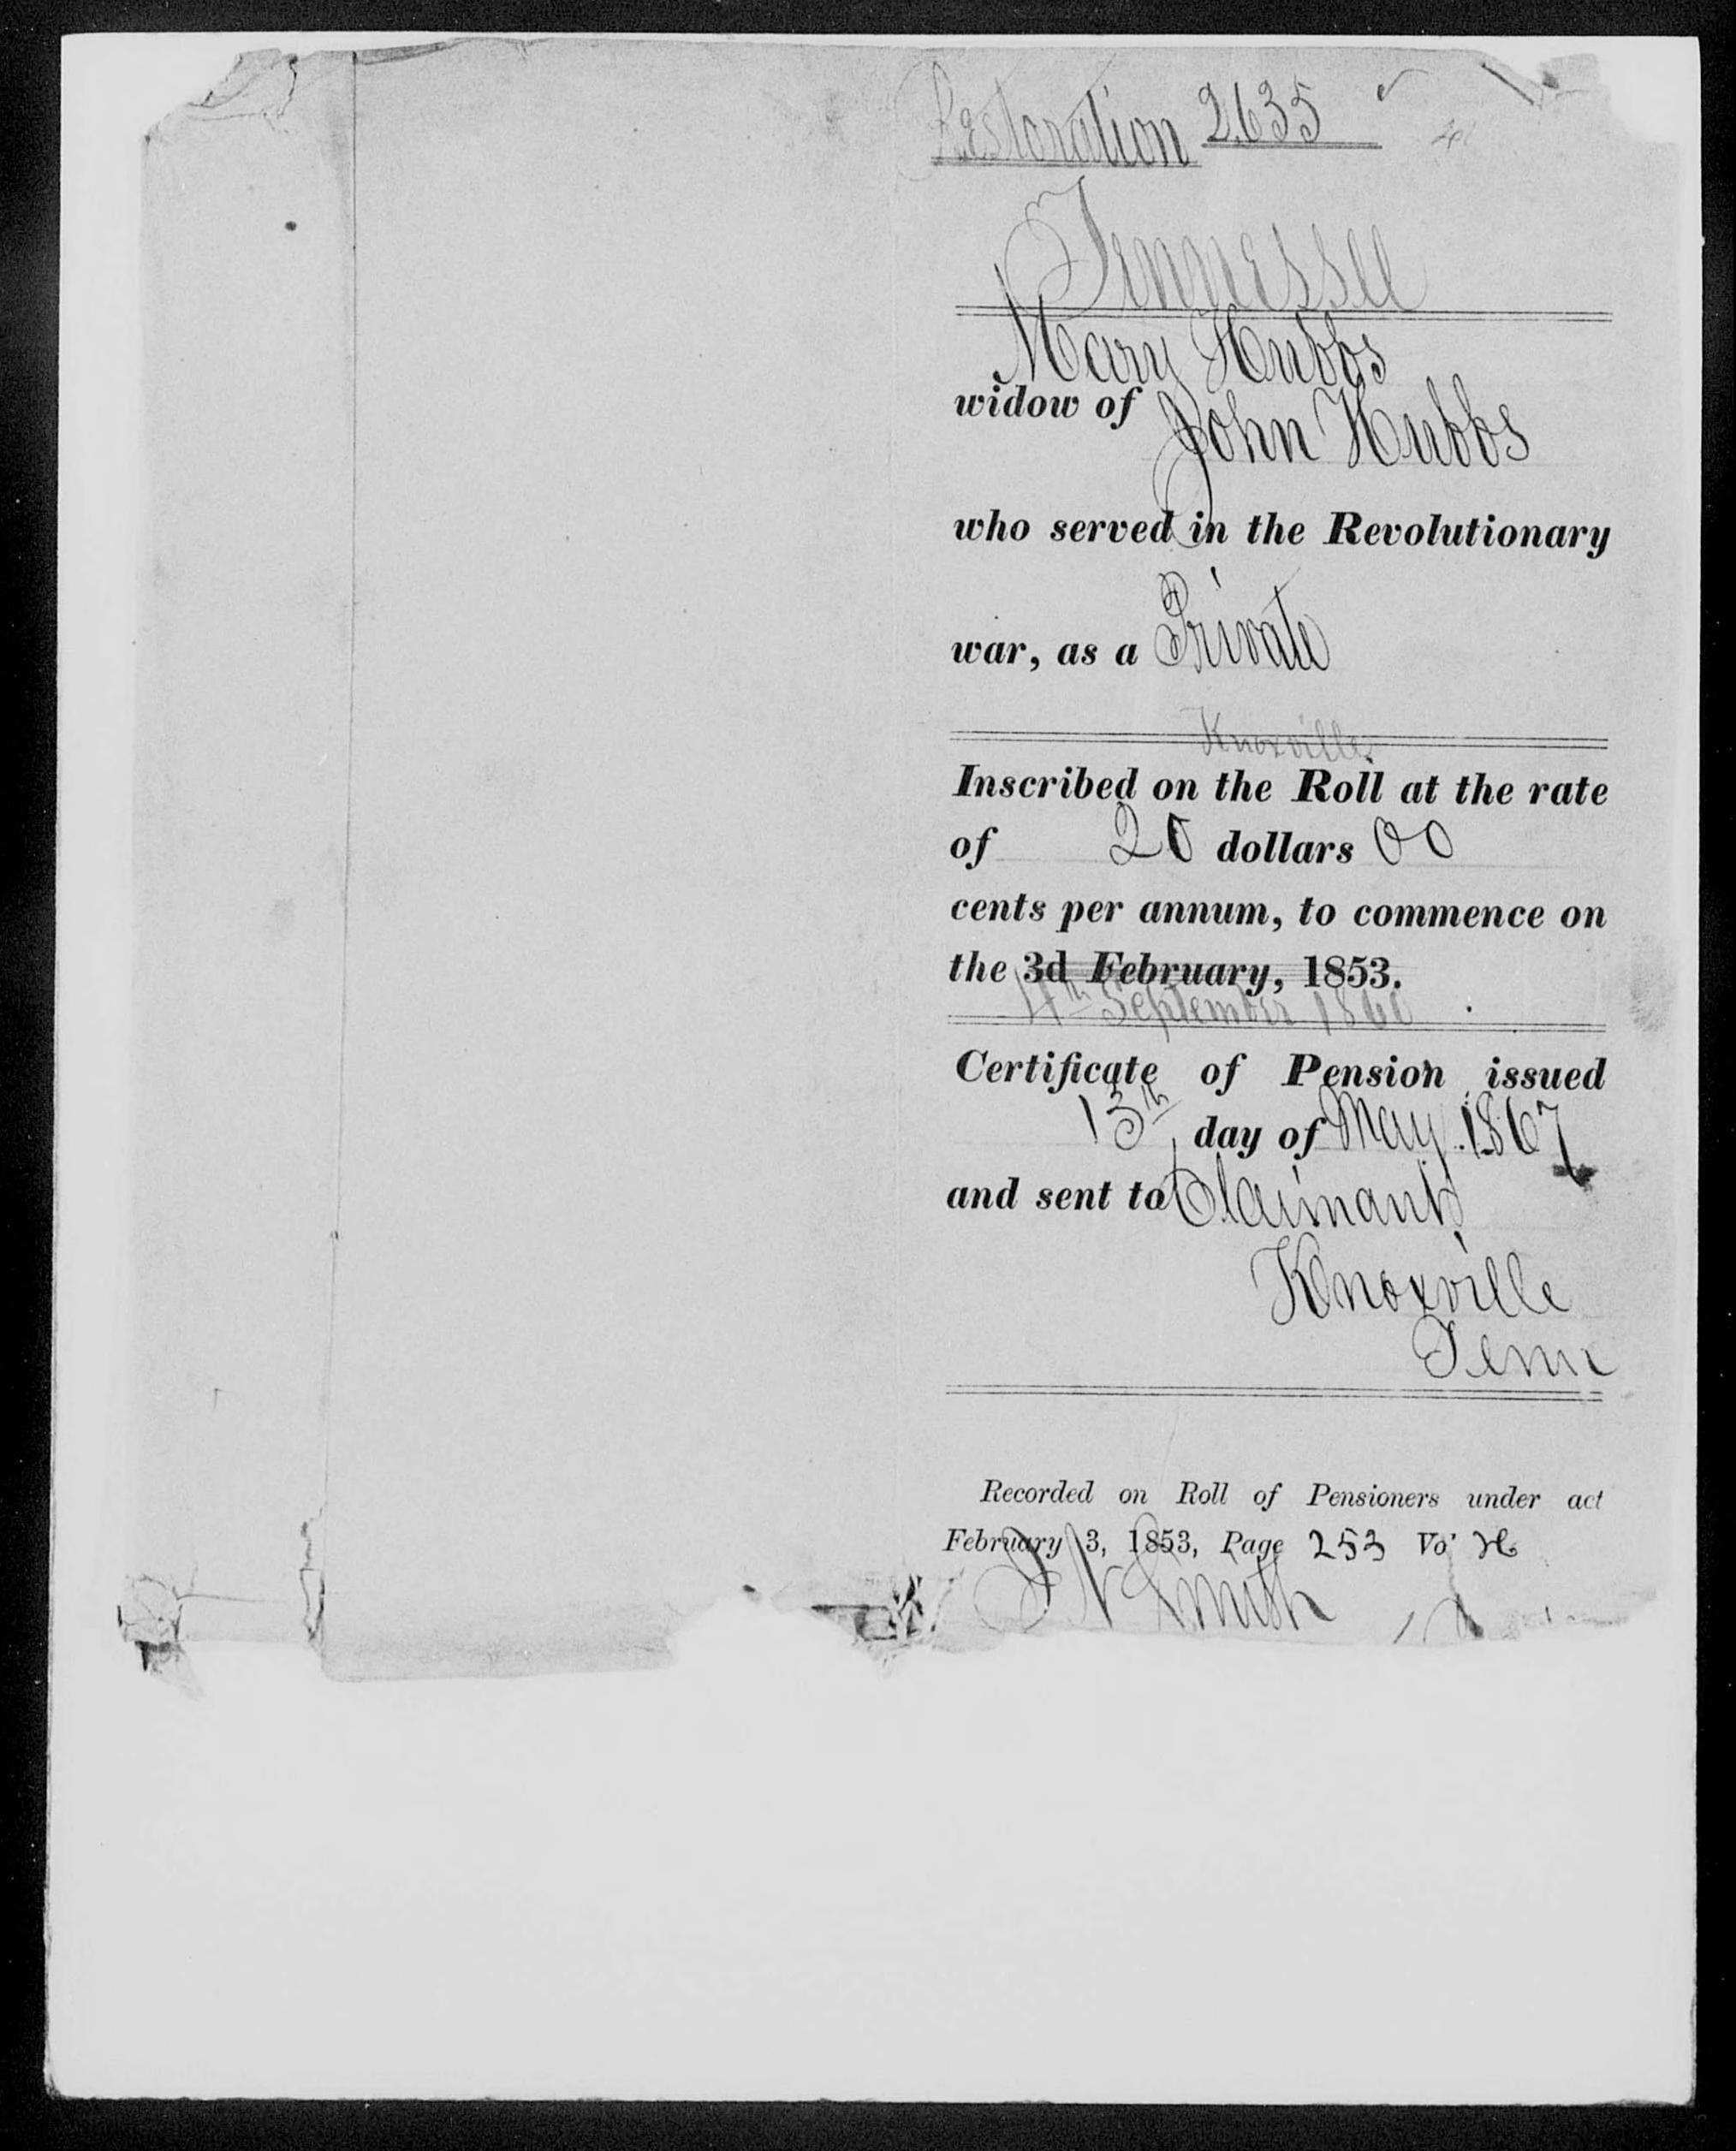2.635
Restoration
Tennessee
---------------
Mary Hubbs widow of John Hubbs 
who served in the Revolutionary 
War, as a Private
Knoxville
----------------------
Inscribed on the Roll at the rate
of $20 dollars 00 cents per annum, to commence on the 3d February, 1853. 
4th September 1800
-------------------
Certificate of Pension issued
13th day of May 1867
and sent to Claimant
Knoxville
Tenn
------------------------------------
Recorded on Roll of Pensioners under act
February 3, 1853, Page 253 Vol H
J.N. Smith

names: J N Smith, John Hubbs, Mary Hubbs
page: 54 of 86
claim: widow's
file: W. 1035, John Hubbs, S.C.